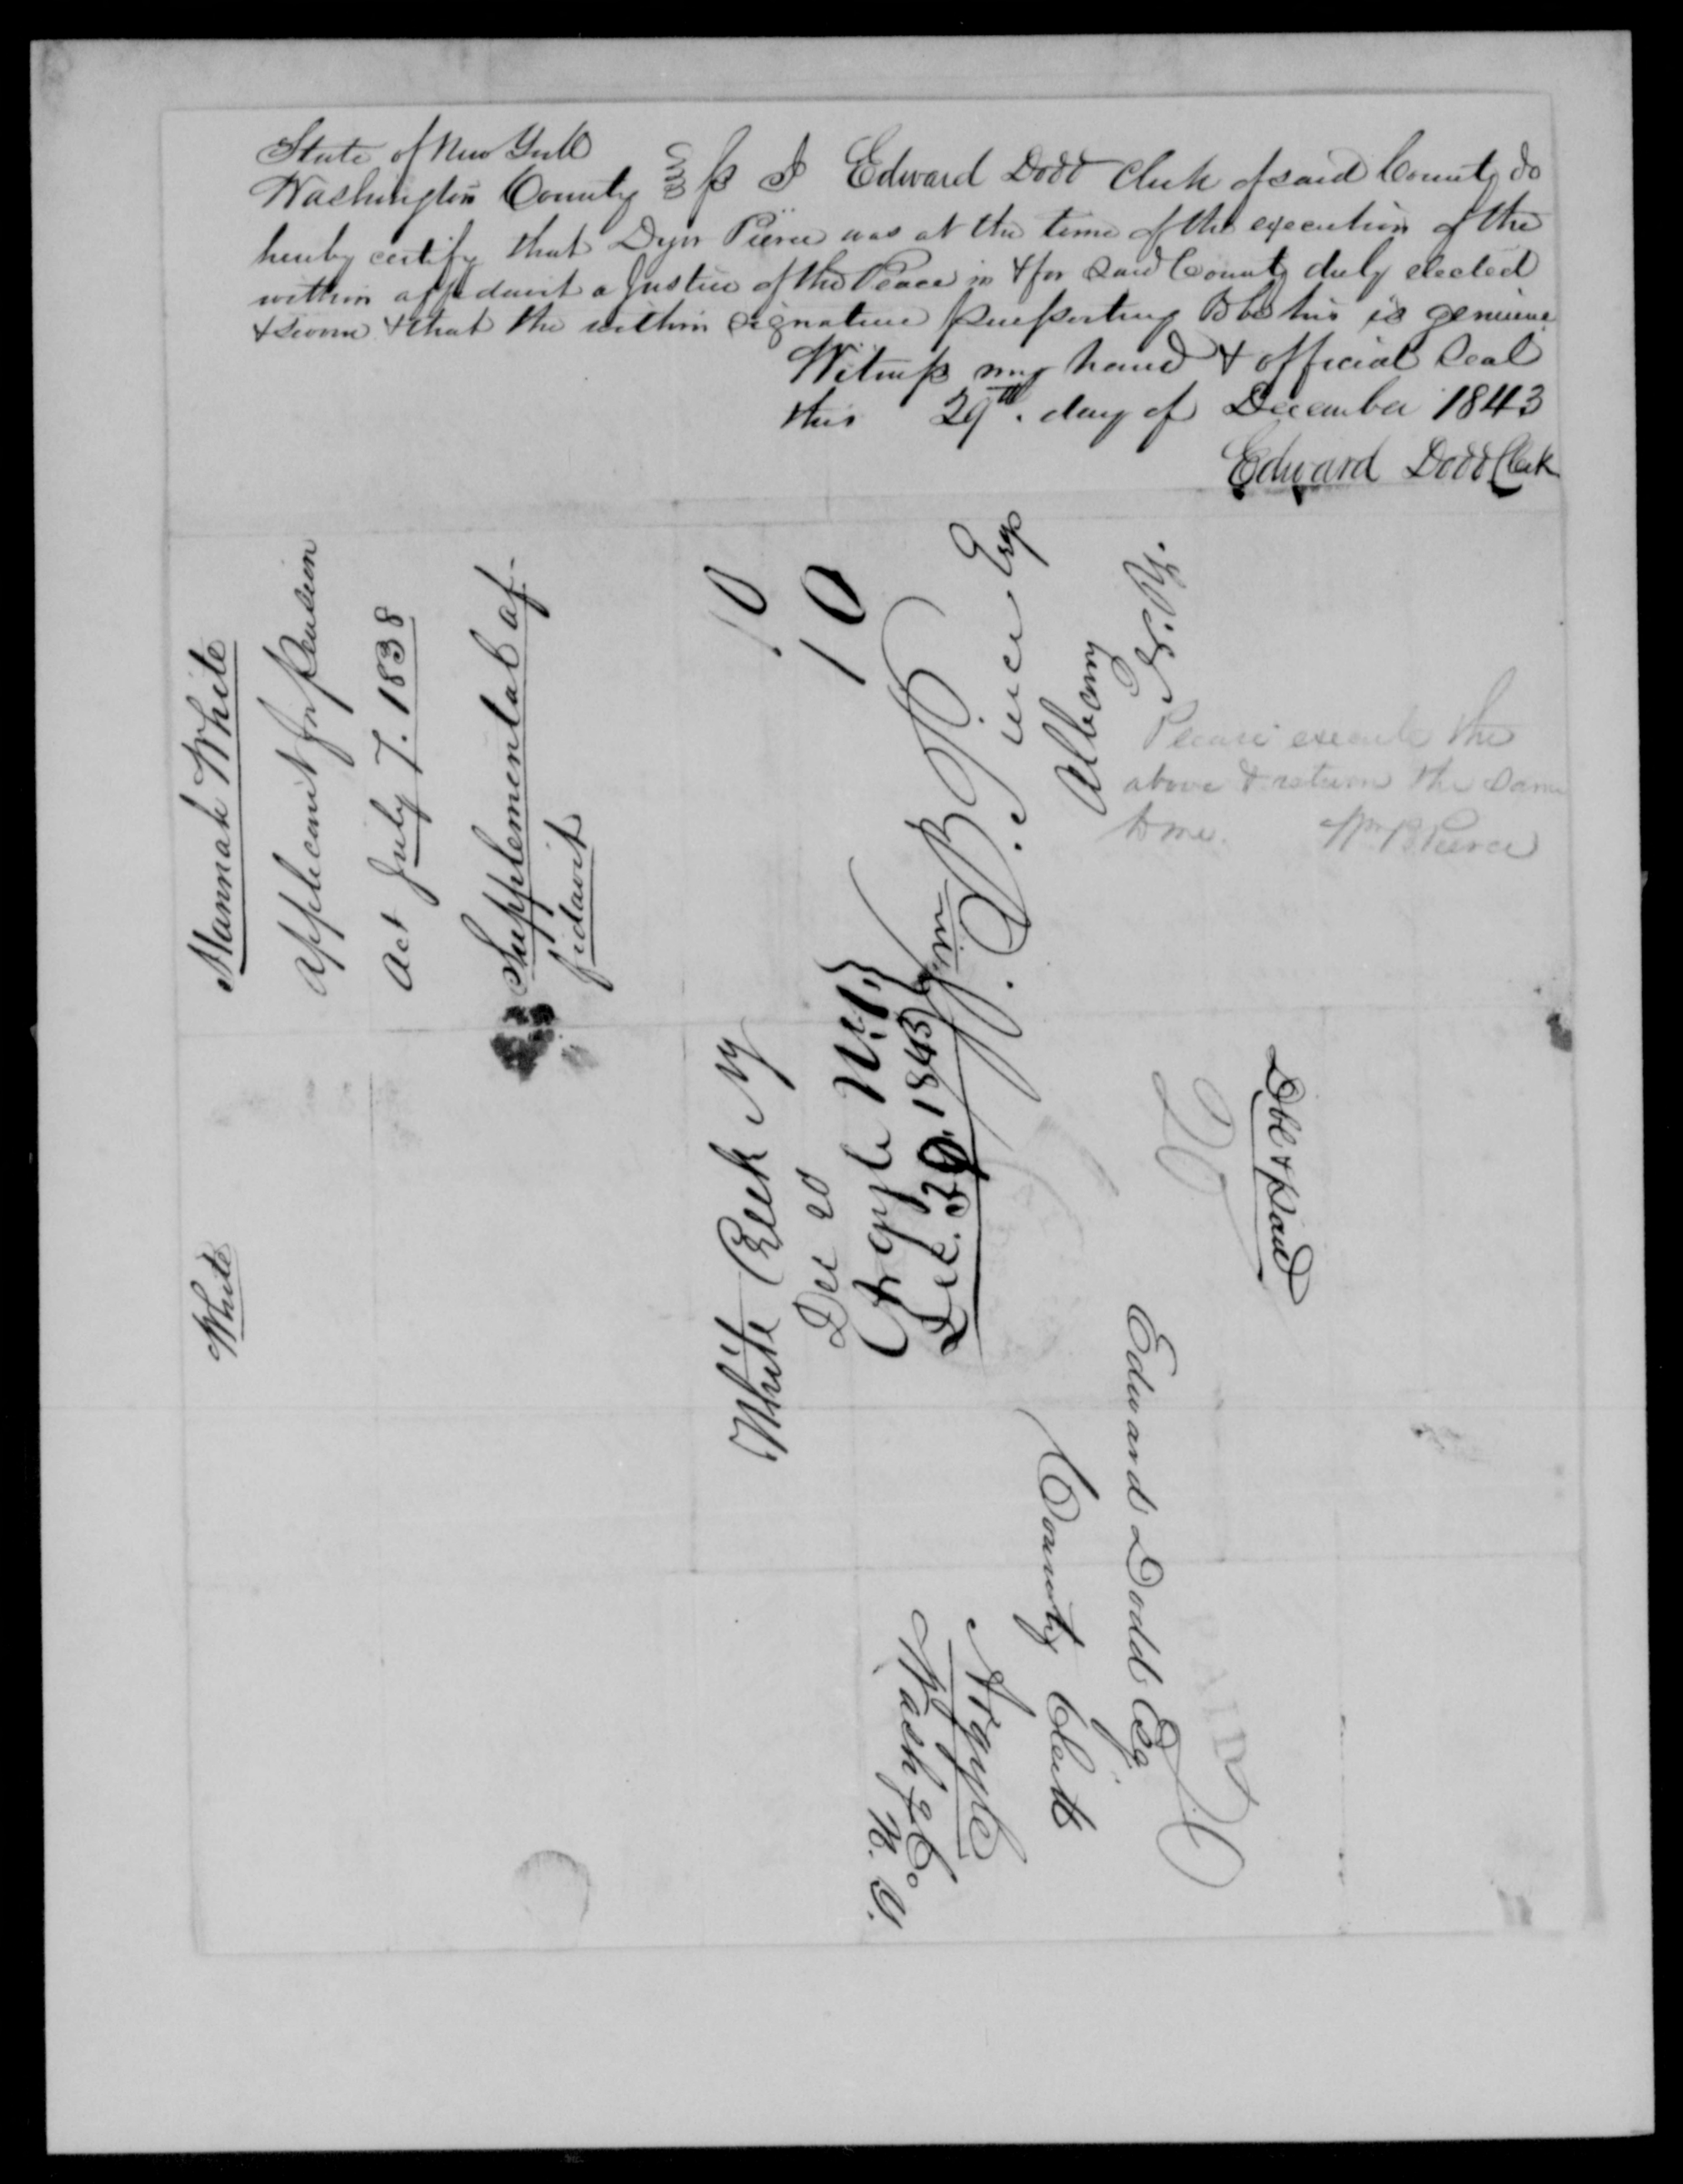State of New York}
Washington County} ss I Edward Dodd Clerk of said County do hereby certify that Dyn Pierce was at the time of the execution of the within affadavit a Justice of the Peace in & for said County duly elected & sworn that the within signature purporting to be his is genuine.
Witness my hand & official seal this 29th day of December 1843.
Edward Dodd Clerk

Hannah White applicant for pension Act July 7, 1838 Supplemental Affadavit

White
White Creek NY Dec 20
[] NY}
Dec. 20 1843}

10
10
William B Pierce
Albany N.Y.

Please execute the above & return the same to me. W.B. Pierce

Dec 20 & paid

Edward Dodd []

[Argy?] Wash Co. N.Y.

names: Dyer Pierce, W B Pierce, Hannah White, Edward Dodd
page: 46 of 63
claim: widow's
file: W. 18403, David White, Conn.